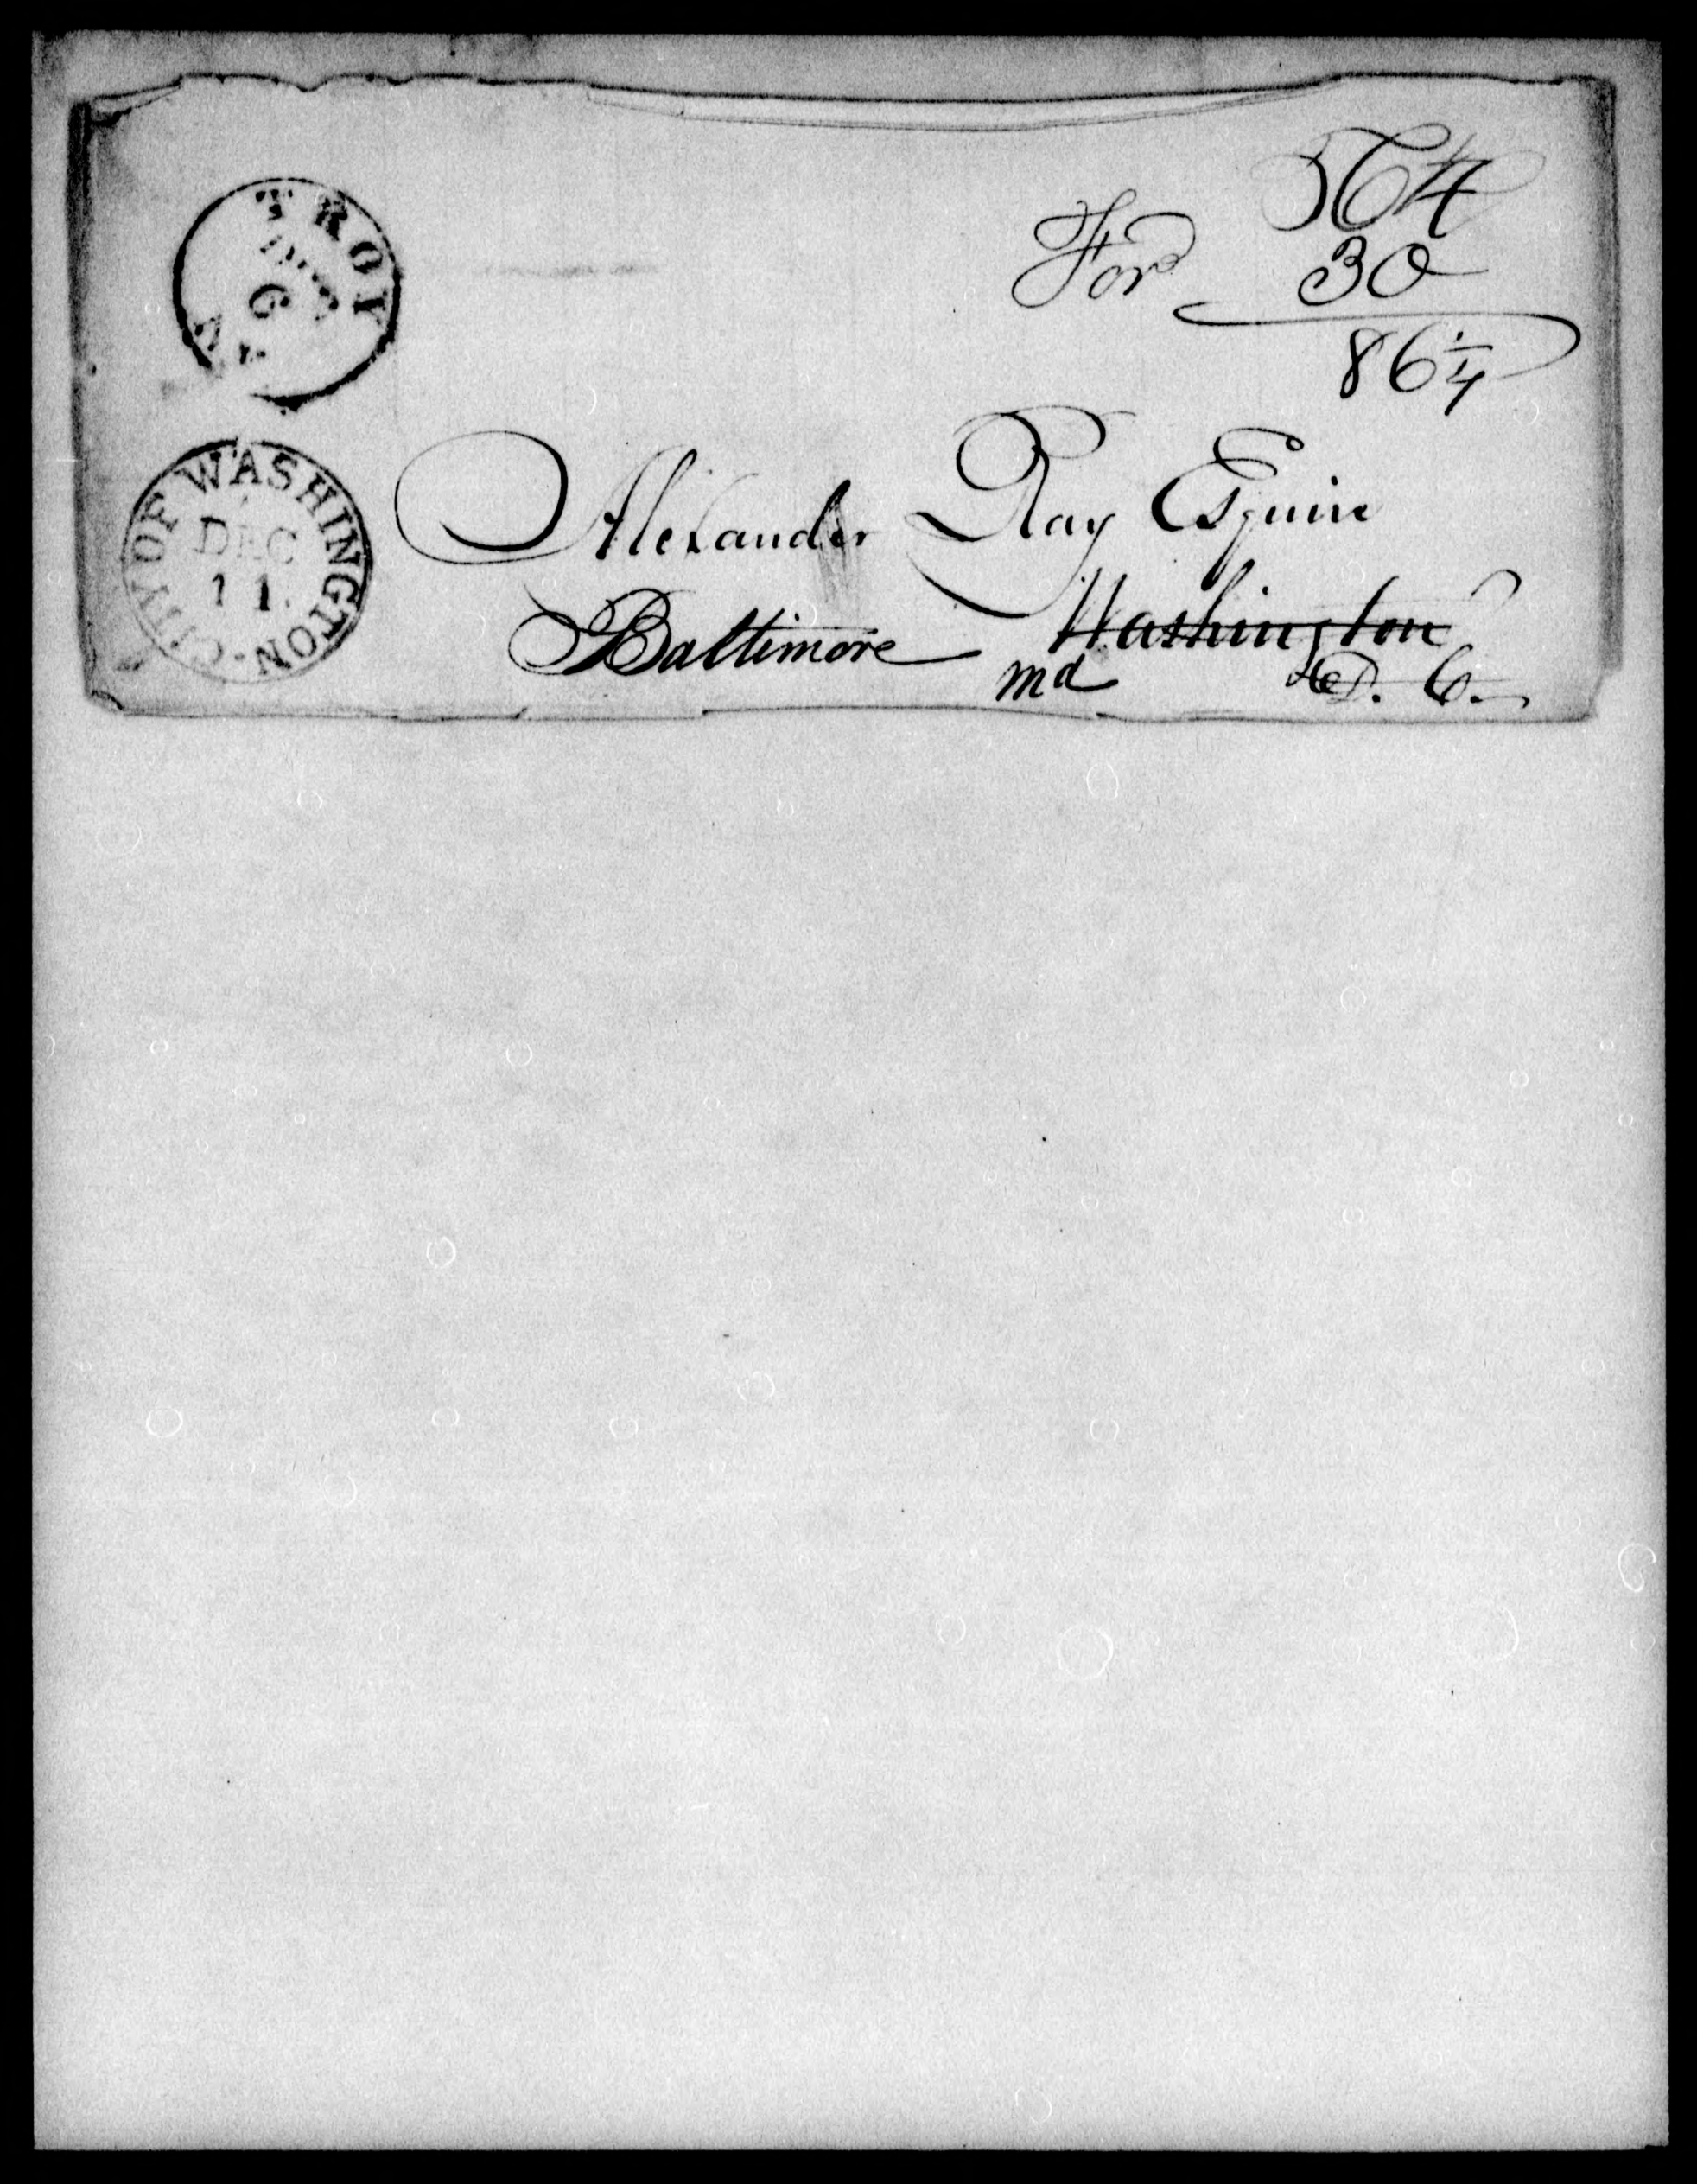For 364
30
86 1/4

Alexander Ray Esquire
Baltimore [Washington D.C., crossed out] Md

[postmarked Troy NY Dec 6]

[postmarked City of Washington Dec 11]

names: Alexander Ray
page: 25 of 102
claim: widow's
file: W. 18239, Isaac Van Wart, New York